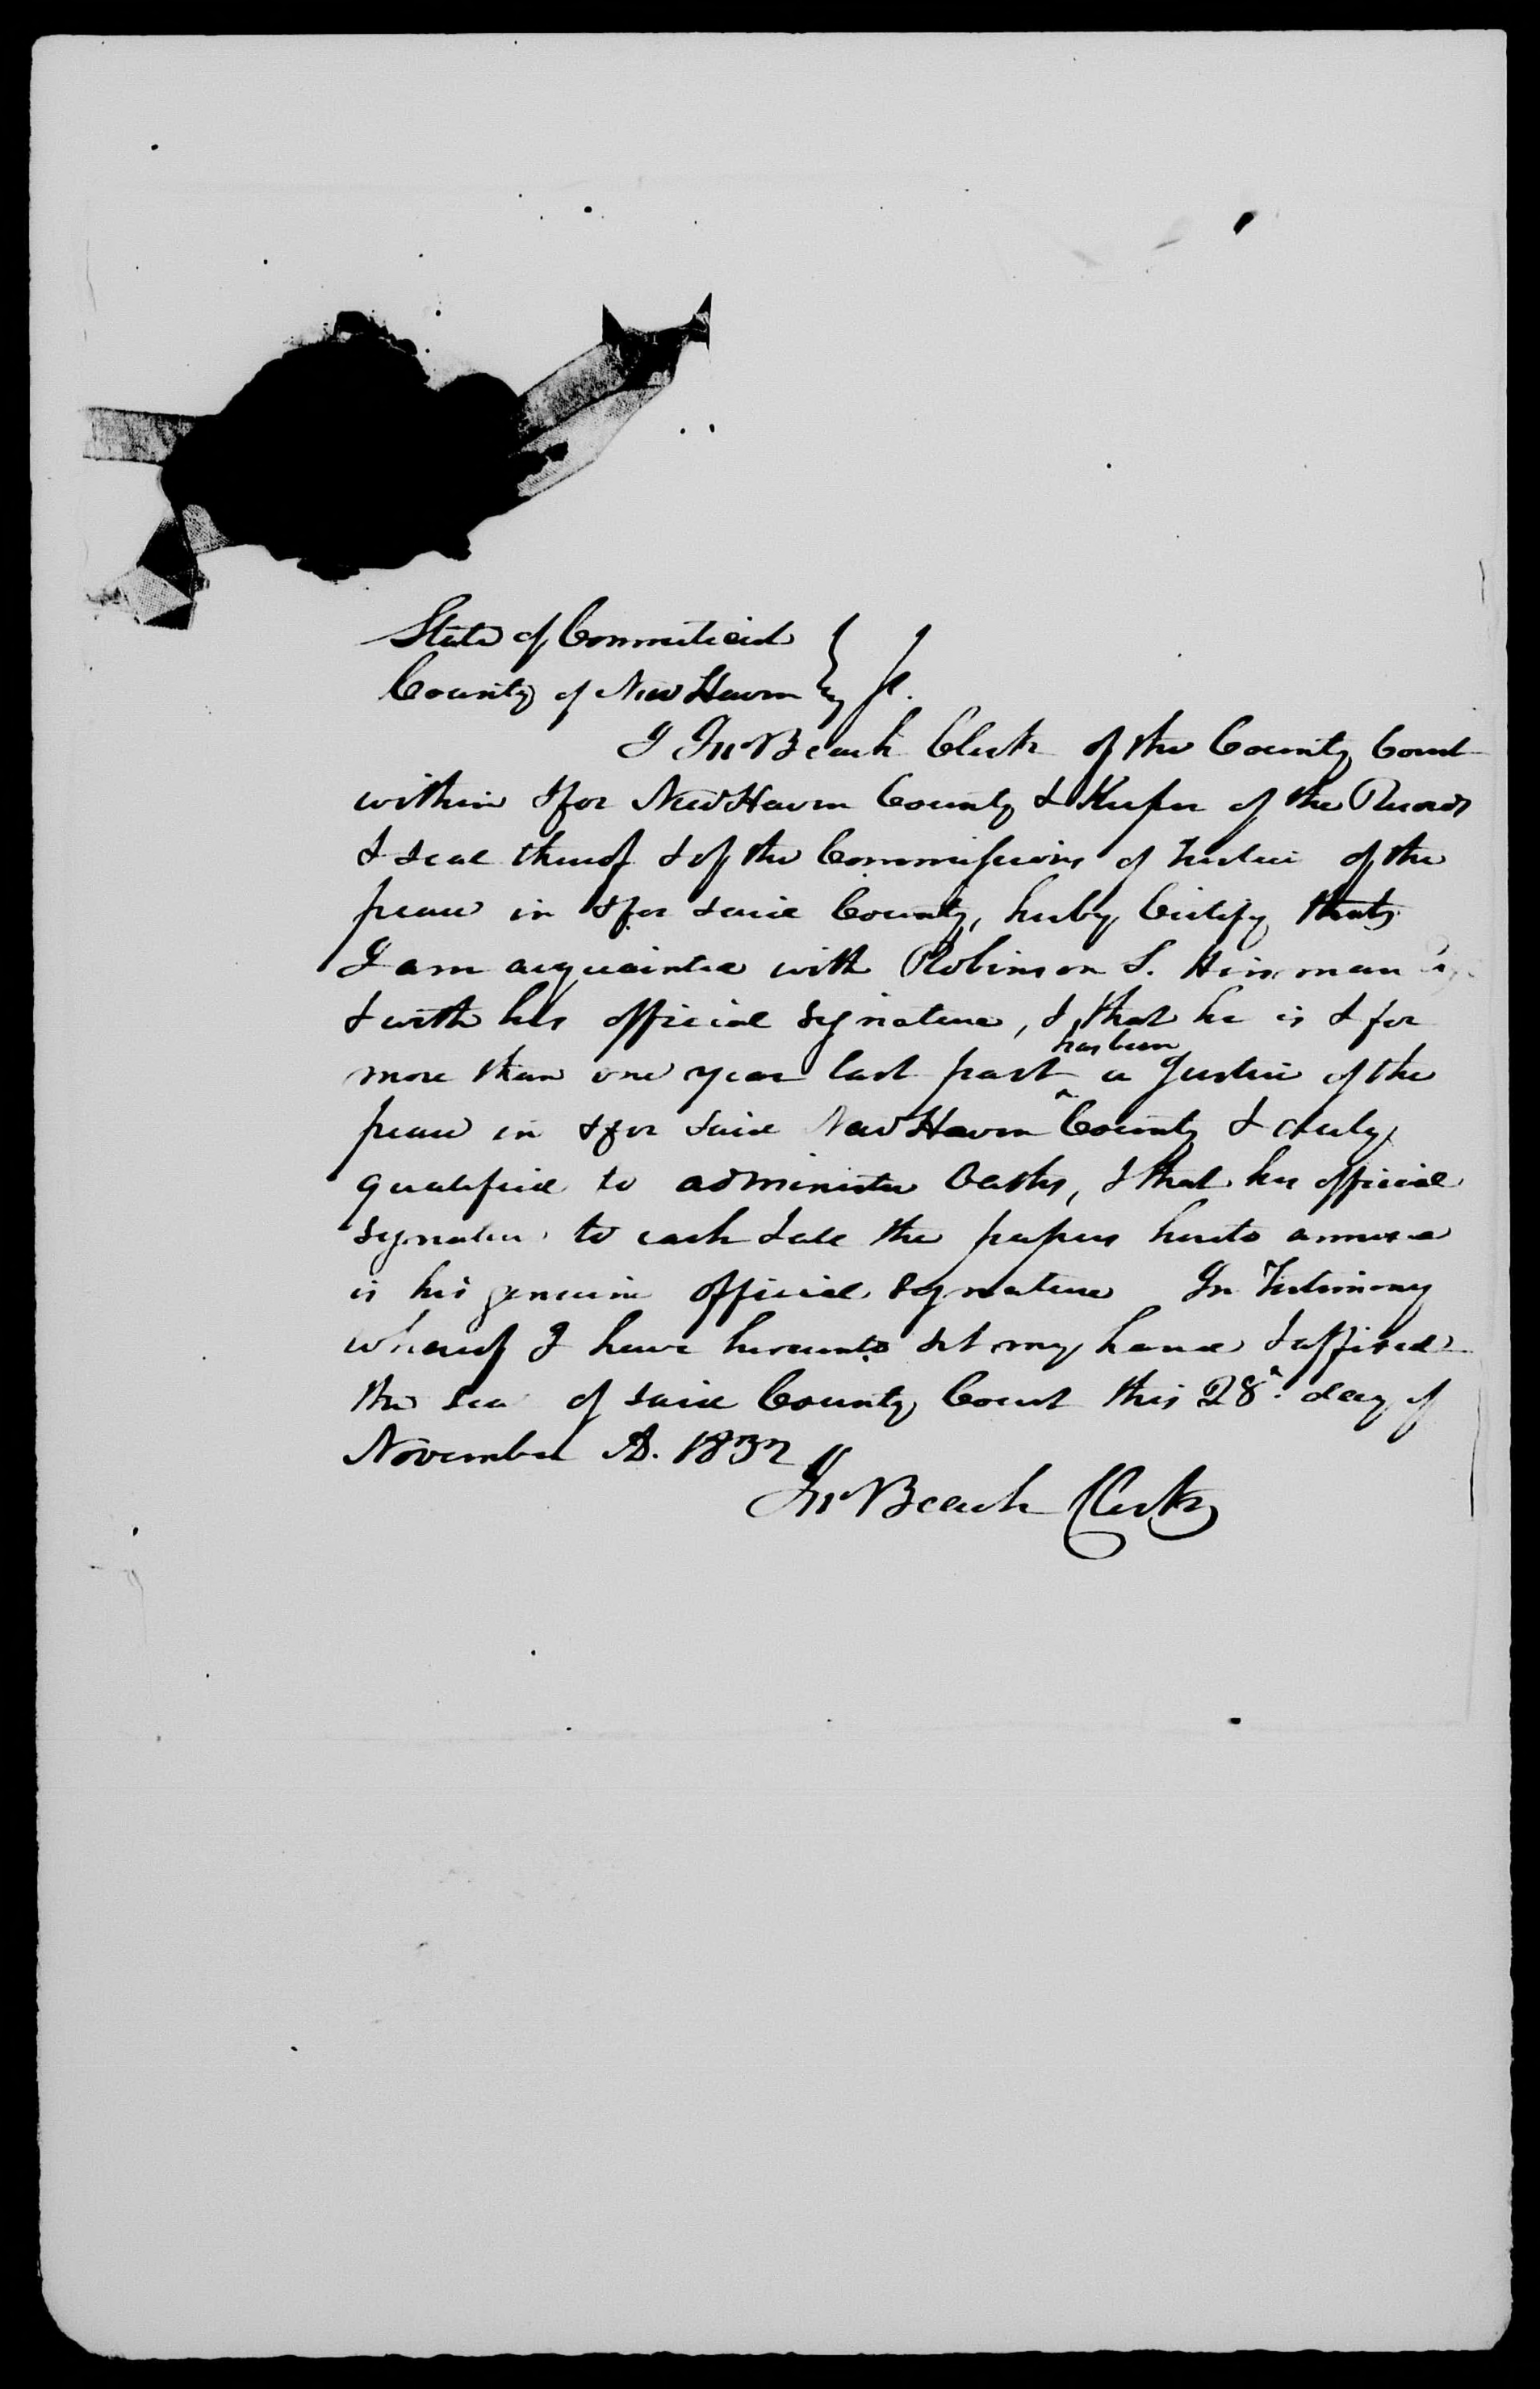State of Connecticut  
County of New Haven}
I J F Beach Clerk of the County Court within for New Haven County & Keeper of the Records seal thereof & of the Commission of Justice of the peace in for said County, hereby certify that I am acquainted with Robinson S. Hinman & with his official signature, that he is a for more than one year last past a Justice of the peace in & for said New Haven County & duly  qualified to administer Oaths, & that his official signature to each all the papers hereto annexed is his genuine official signature In Testimony whereof I have hereunto set my hand & affixed the seal of said County Court this 28th day of November AD. 1832
JF Beach Clerk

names: Robinson S Hinman, Jno Beach, Jno Beach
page: 19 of 45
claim: survivor's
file: S. 15748, Elihu Benham, Conn.